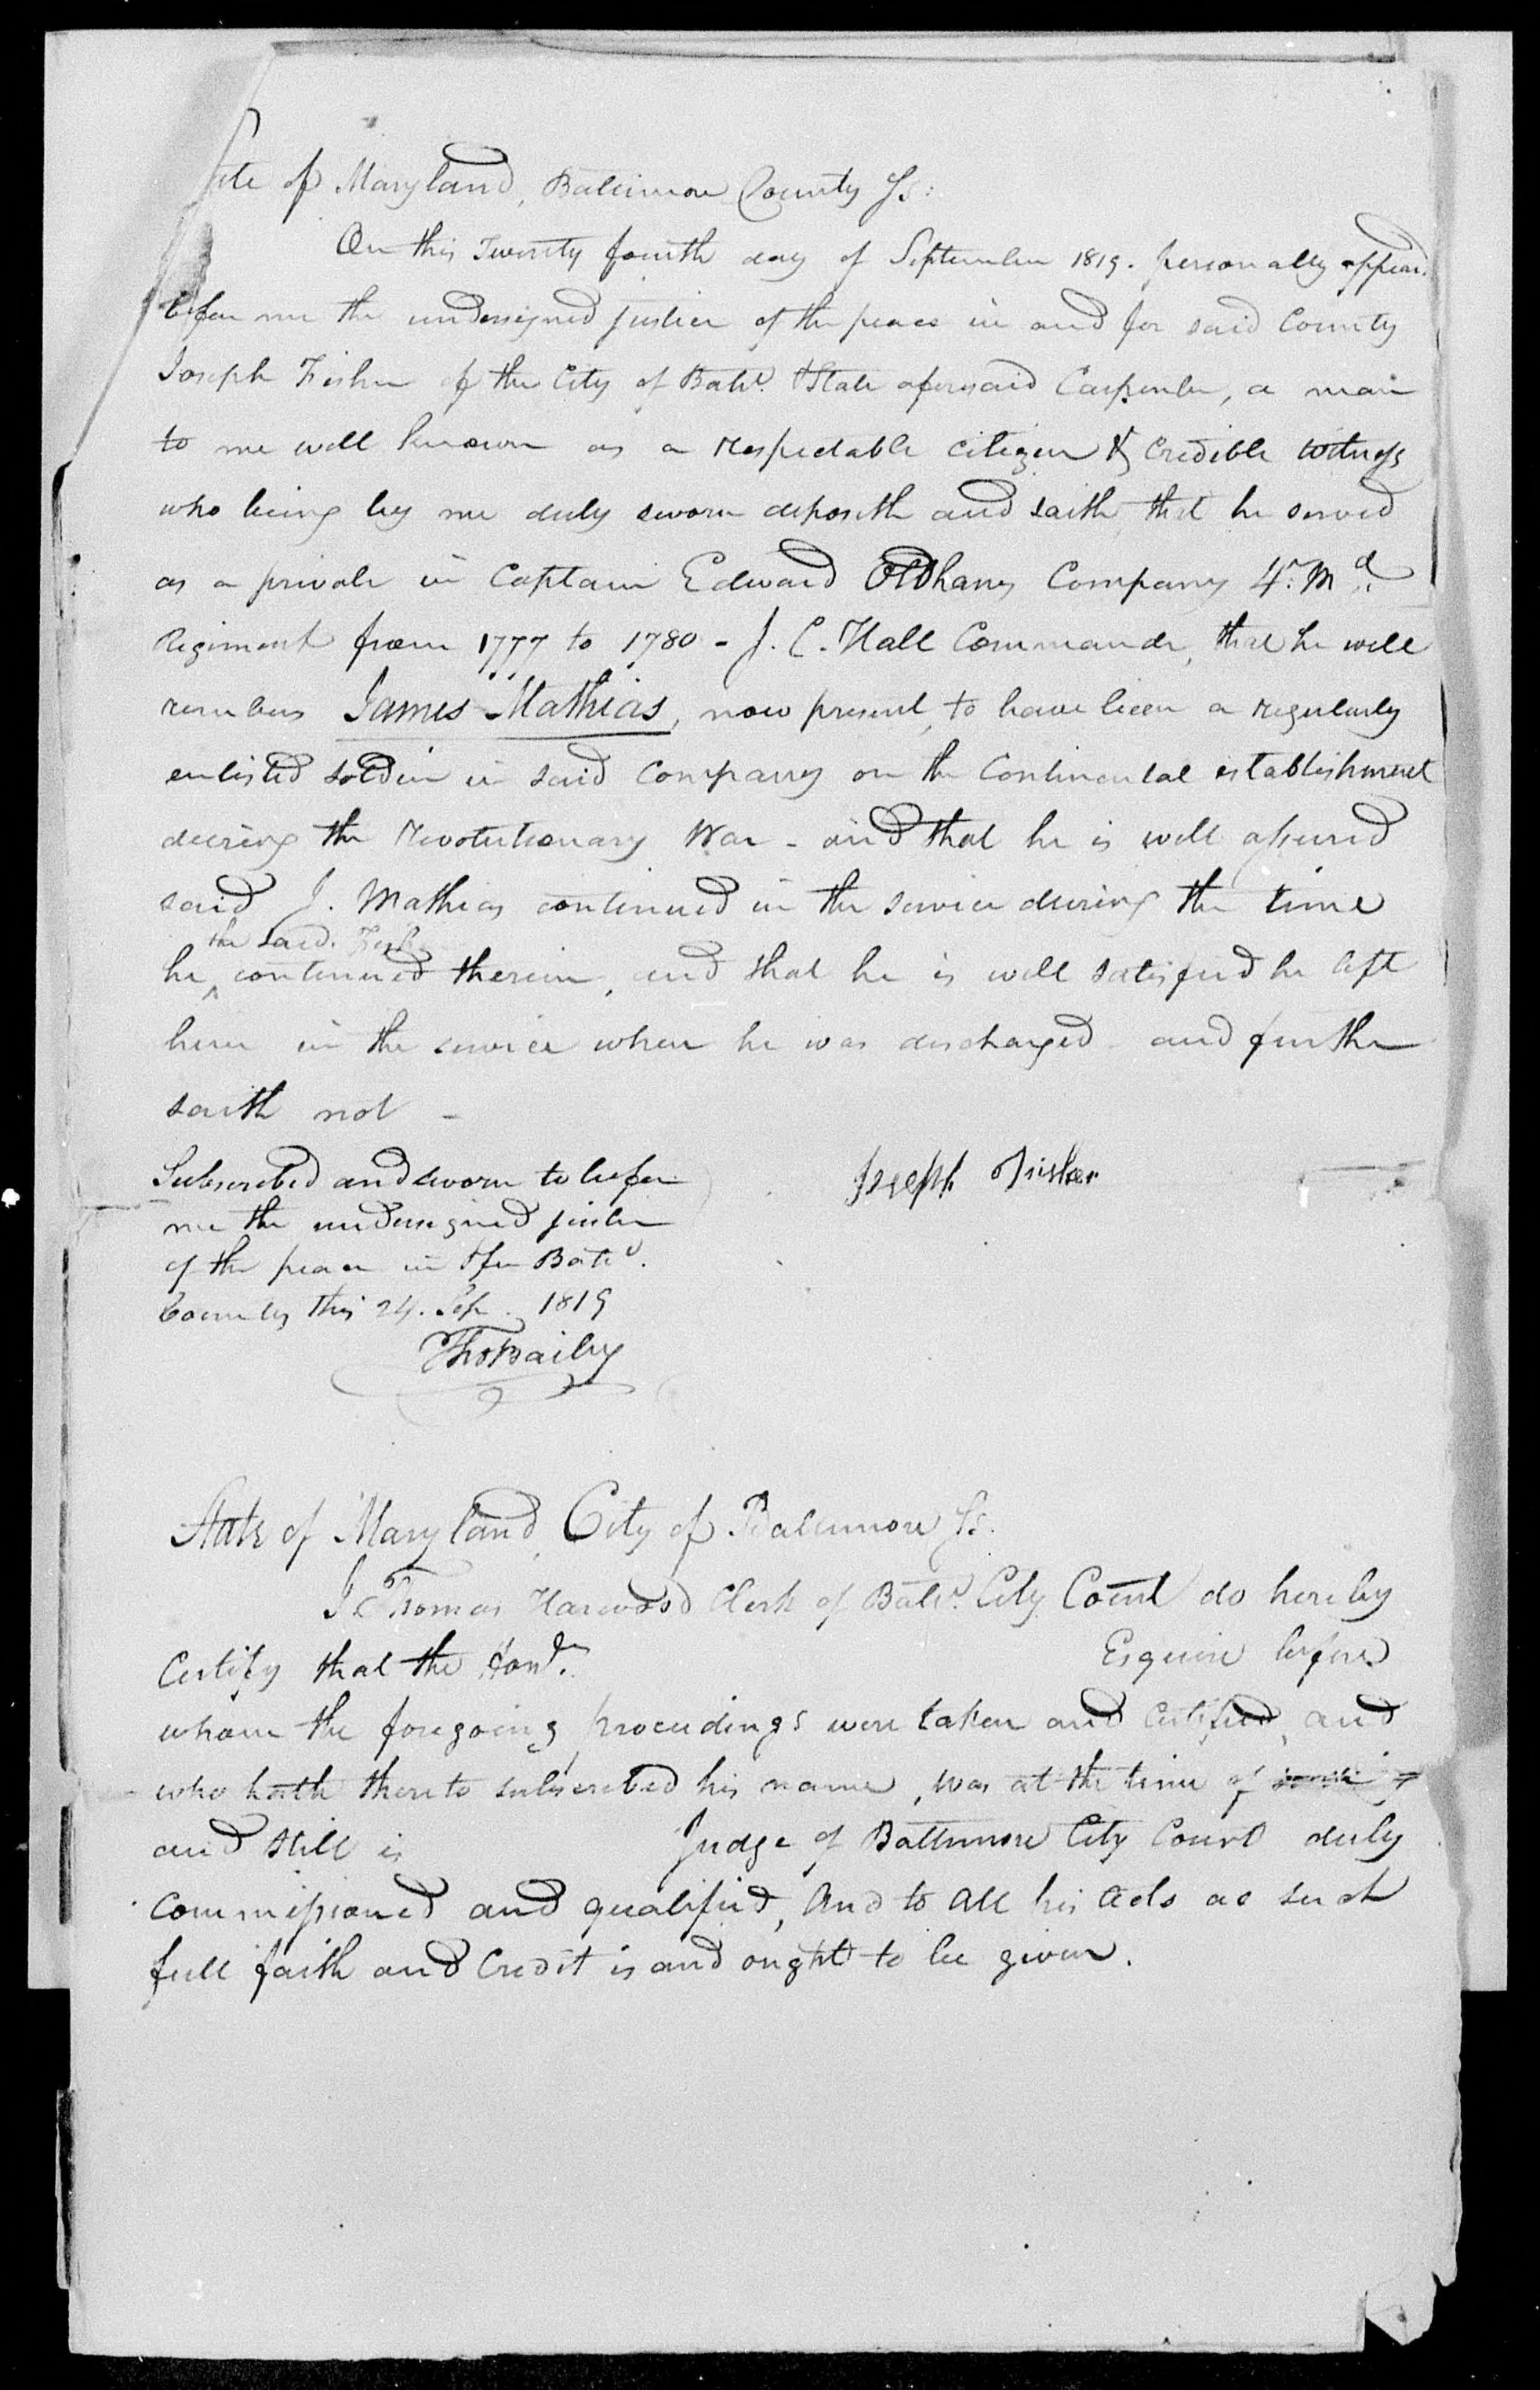State of Maryland, Baltimore County ss:
On this Twenty fourth day of September 1819, personally appeared before me the undersigned Justice of the peace in and for said County, Joseph Fisher of the City of Balti'm  & State aforesaid Carpenter, a man to me well known as a respectable citizen & credible witness who being by me duly sworn deposeth and saith that he served as a private in Captain Edward Oldhams Company, 4th Md
Regiment from 1777 to 1780- J. C. Hall Commander -  that he well rembers James Mathias, now present, to have been a regularly enlisted soldier in said company on the continental establishment during the revolutionary War and that he is well assured said J. Mathias continued in the service during the time he said continued therein, and that he is well satisfied he left him in the service when he was discharged and further saith not-  ......   Joseph Fisher

Subscribed and sworn to before
me the undersigned Justice
of the peace in & for Balt'm
County this 24 Sep. 1819
Tho Baily

State of Maryland City of Baltimore Ss
I Thomas Harwood, Clerk of Balt'm City Court do hereby certify that the Hon ......... Esquire before whom the foregoing proceedings were taken and certified and, who hath thereto subscribed his name, was at the time of
and still is ..............Judge of Baltimore City Court duly commissioned and qualified and to all his acts as such full faith and credit is and ought to be given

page: 19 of 20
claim: survivor's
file: S. 40,119, for James Mathias, Maryland